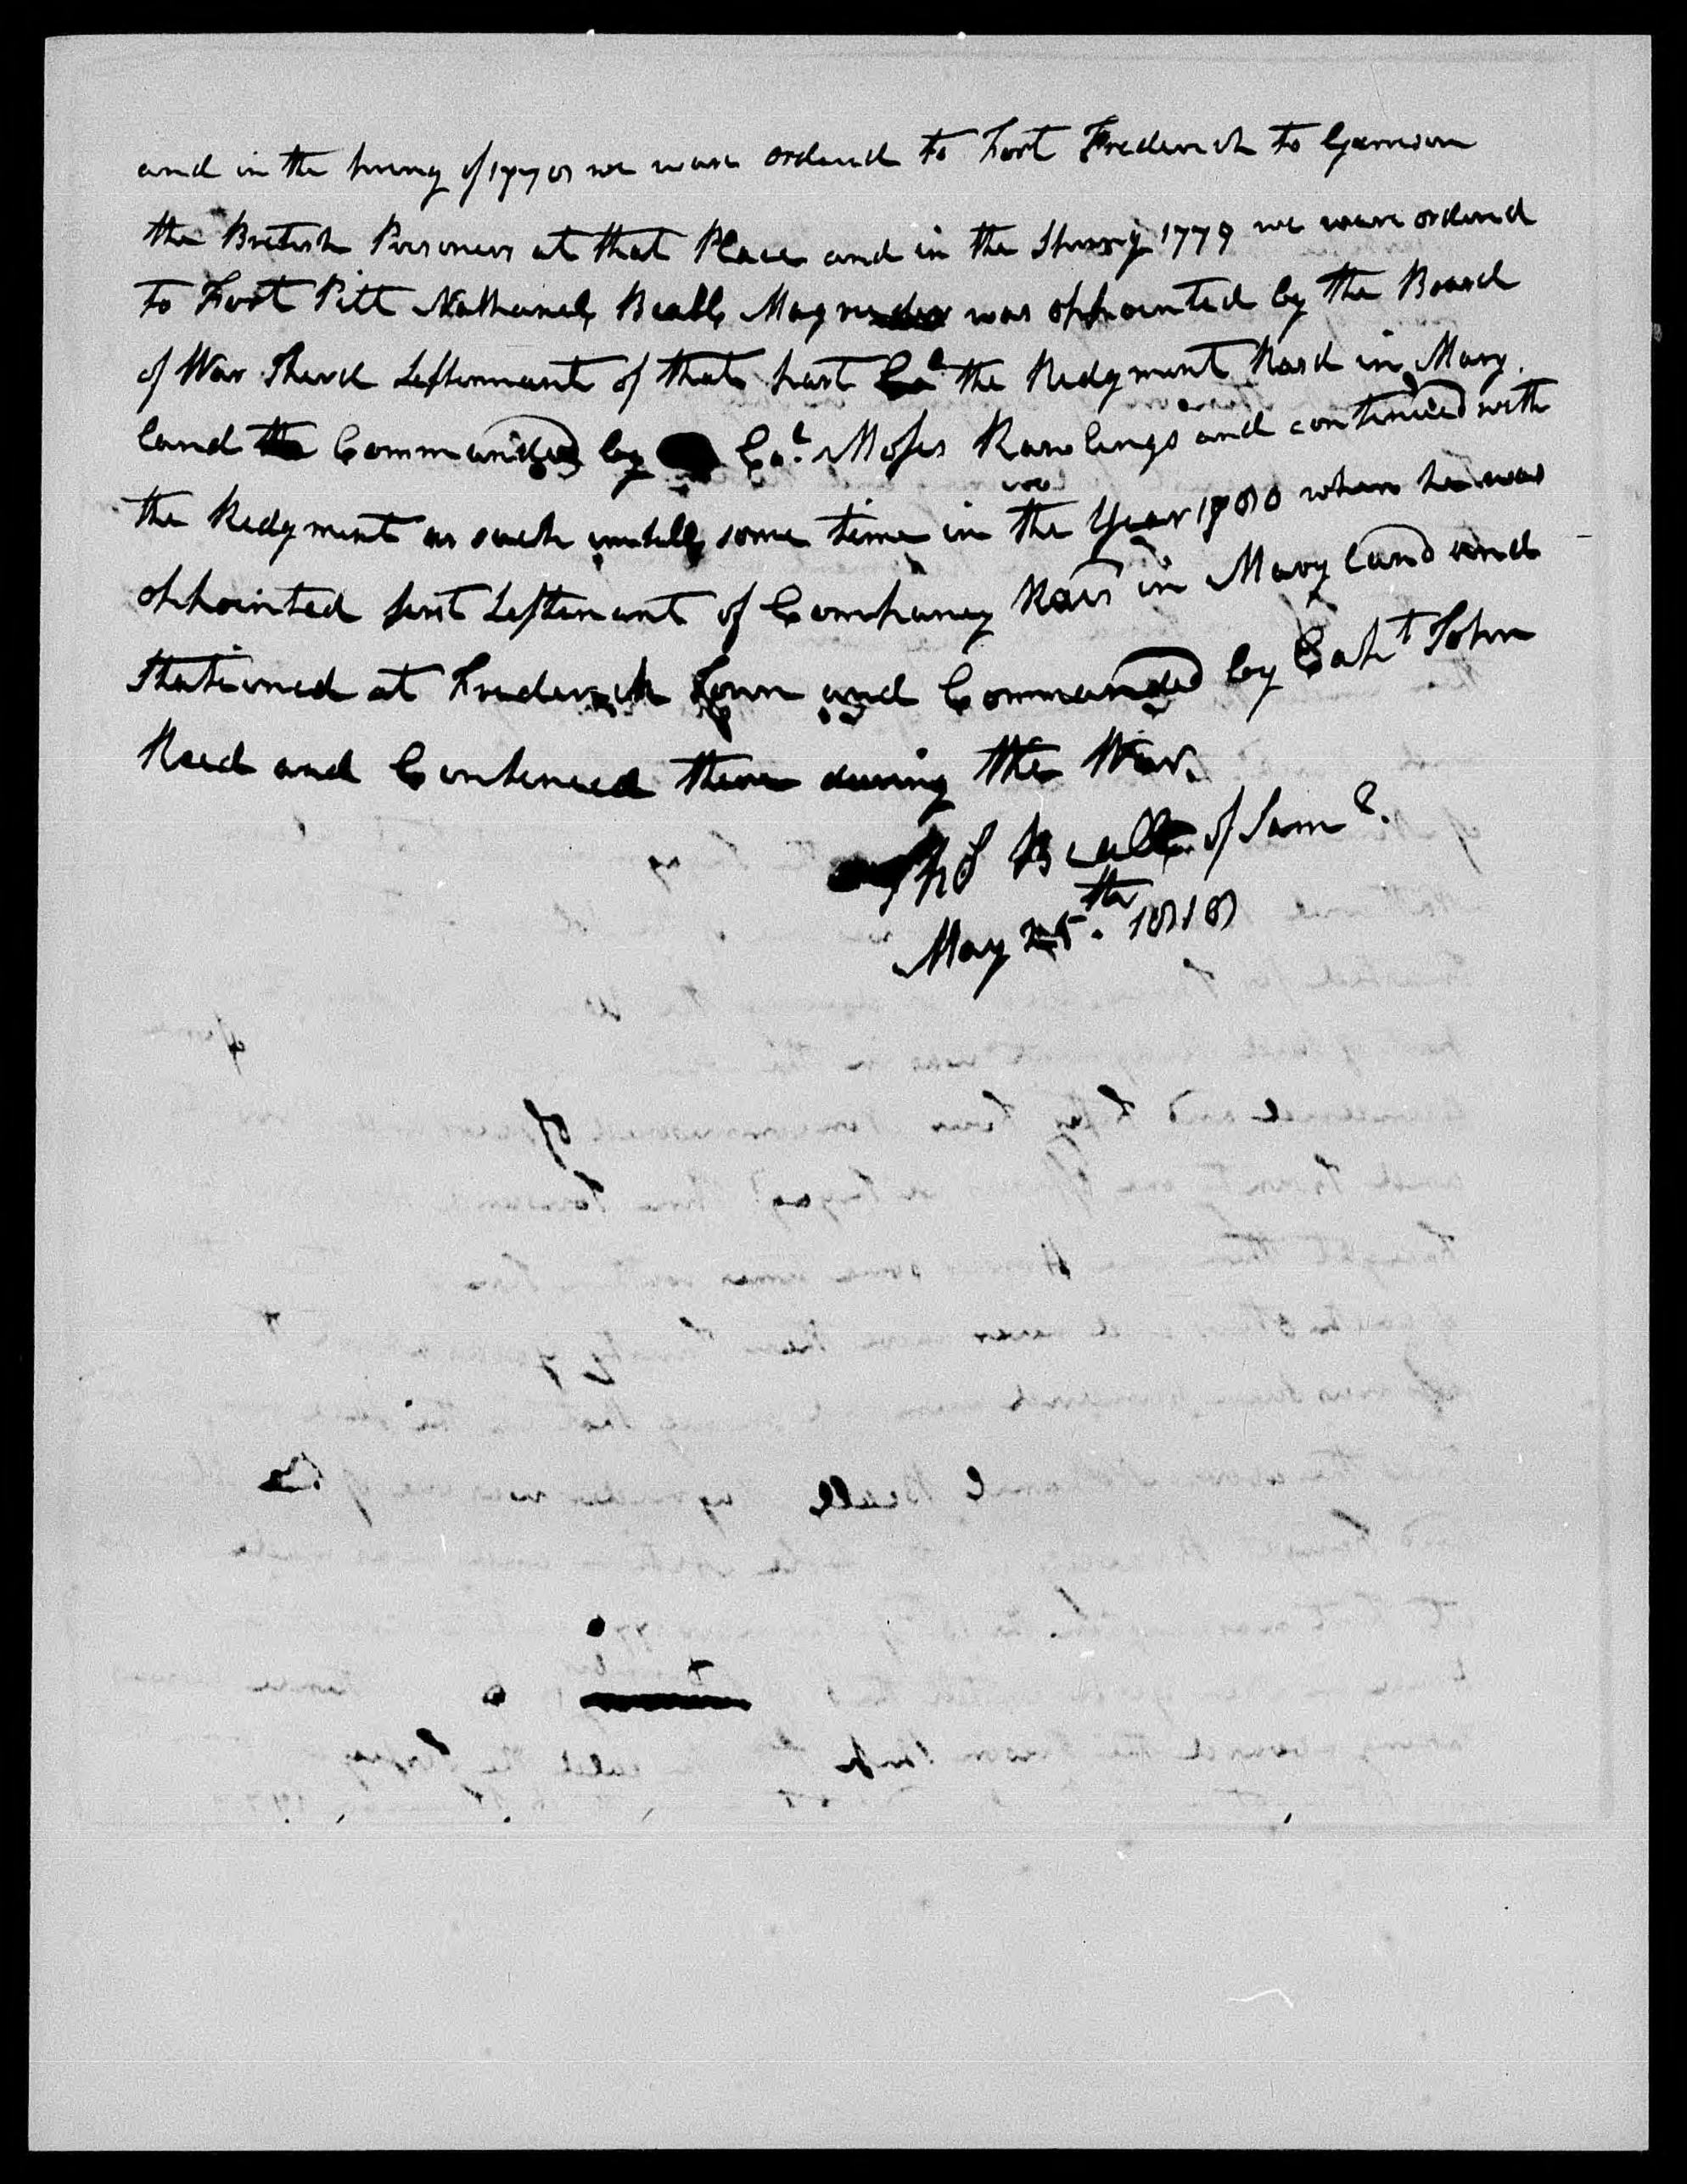and in the spring of 1778 we was ordered to Fort Frederick to Garrison
the British Prisoners at that place and in the spring of 1779 we were ordered
to Fort Pitt Nathaniel Beall Magruder was appointed by the Board
of War [illegible] Leftennant[sic] of that part the redgment[sic] [illegible] in Maryland
commanded by Moses Rawlings and continue with
the redgment[sic] as such untill[sic] some time in the year 1780 when he was
appointed past Leftennant[sic] of Company [illegible] in Maryland and
stationed at Frederick Town and commanded by Capt John
Reed and continued there during the war.
[illegible]
May 25th 1818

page: 13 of 13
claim: survivor's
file: S. 34973, for Nathaniel Beale Magruder, Maryland